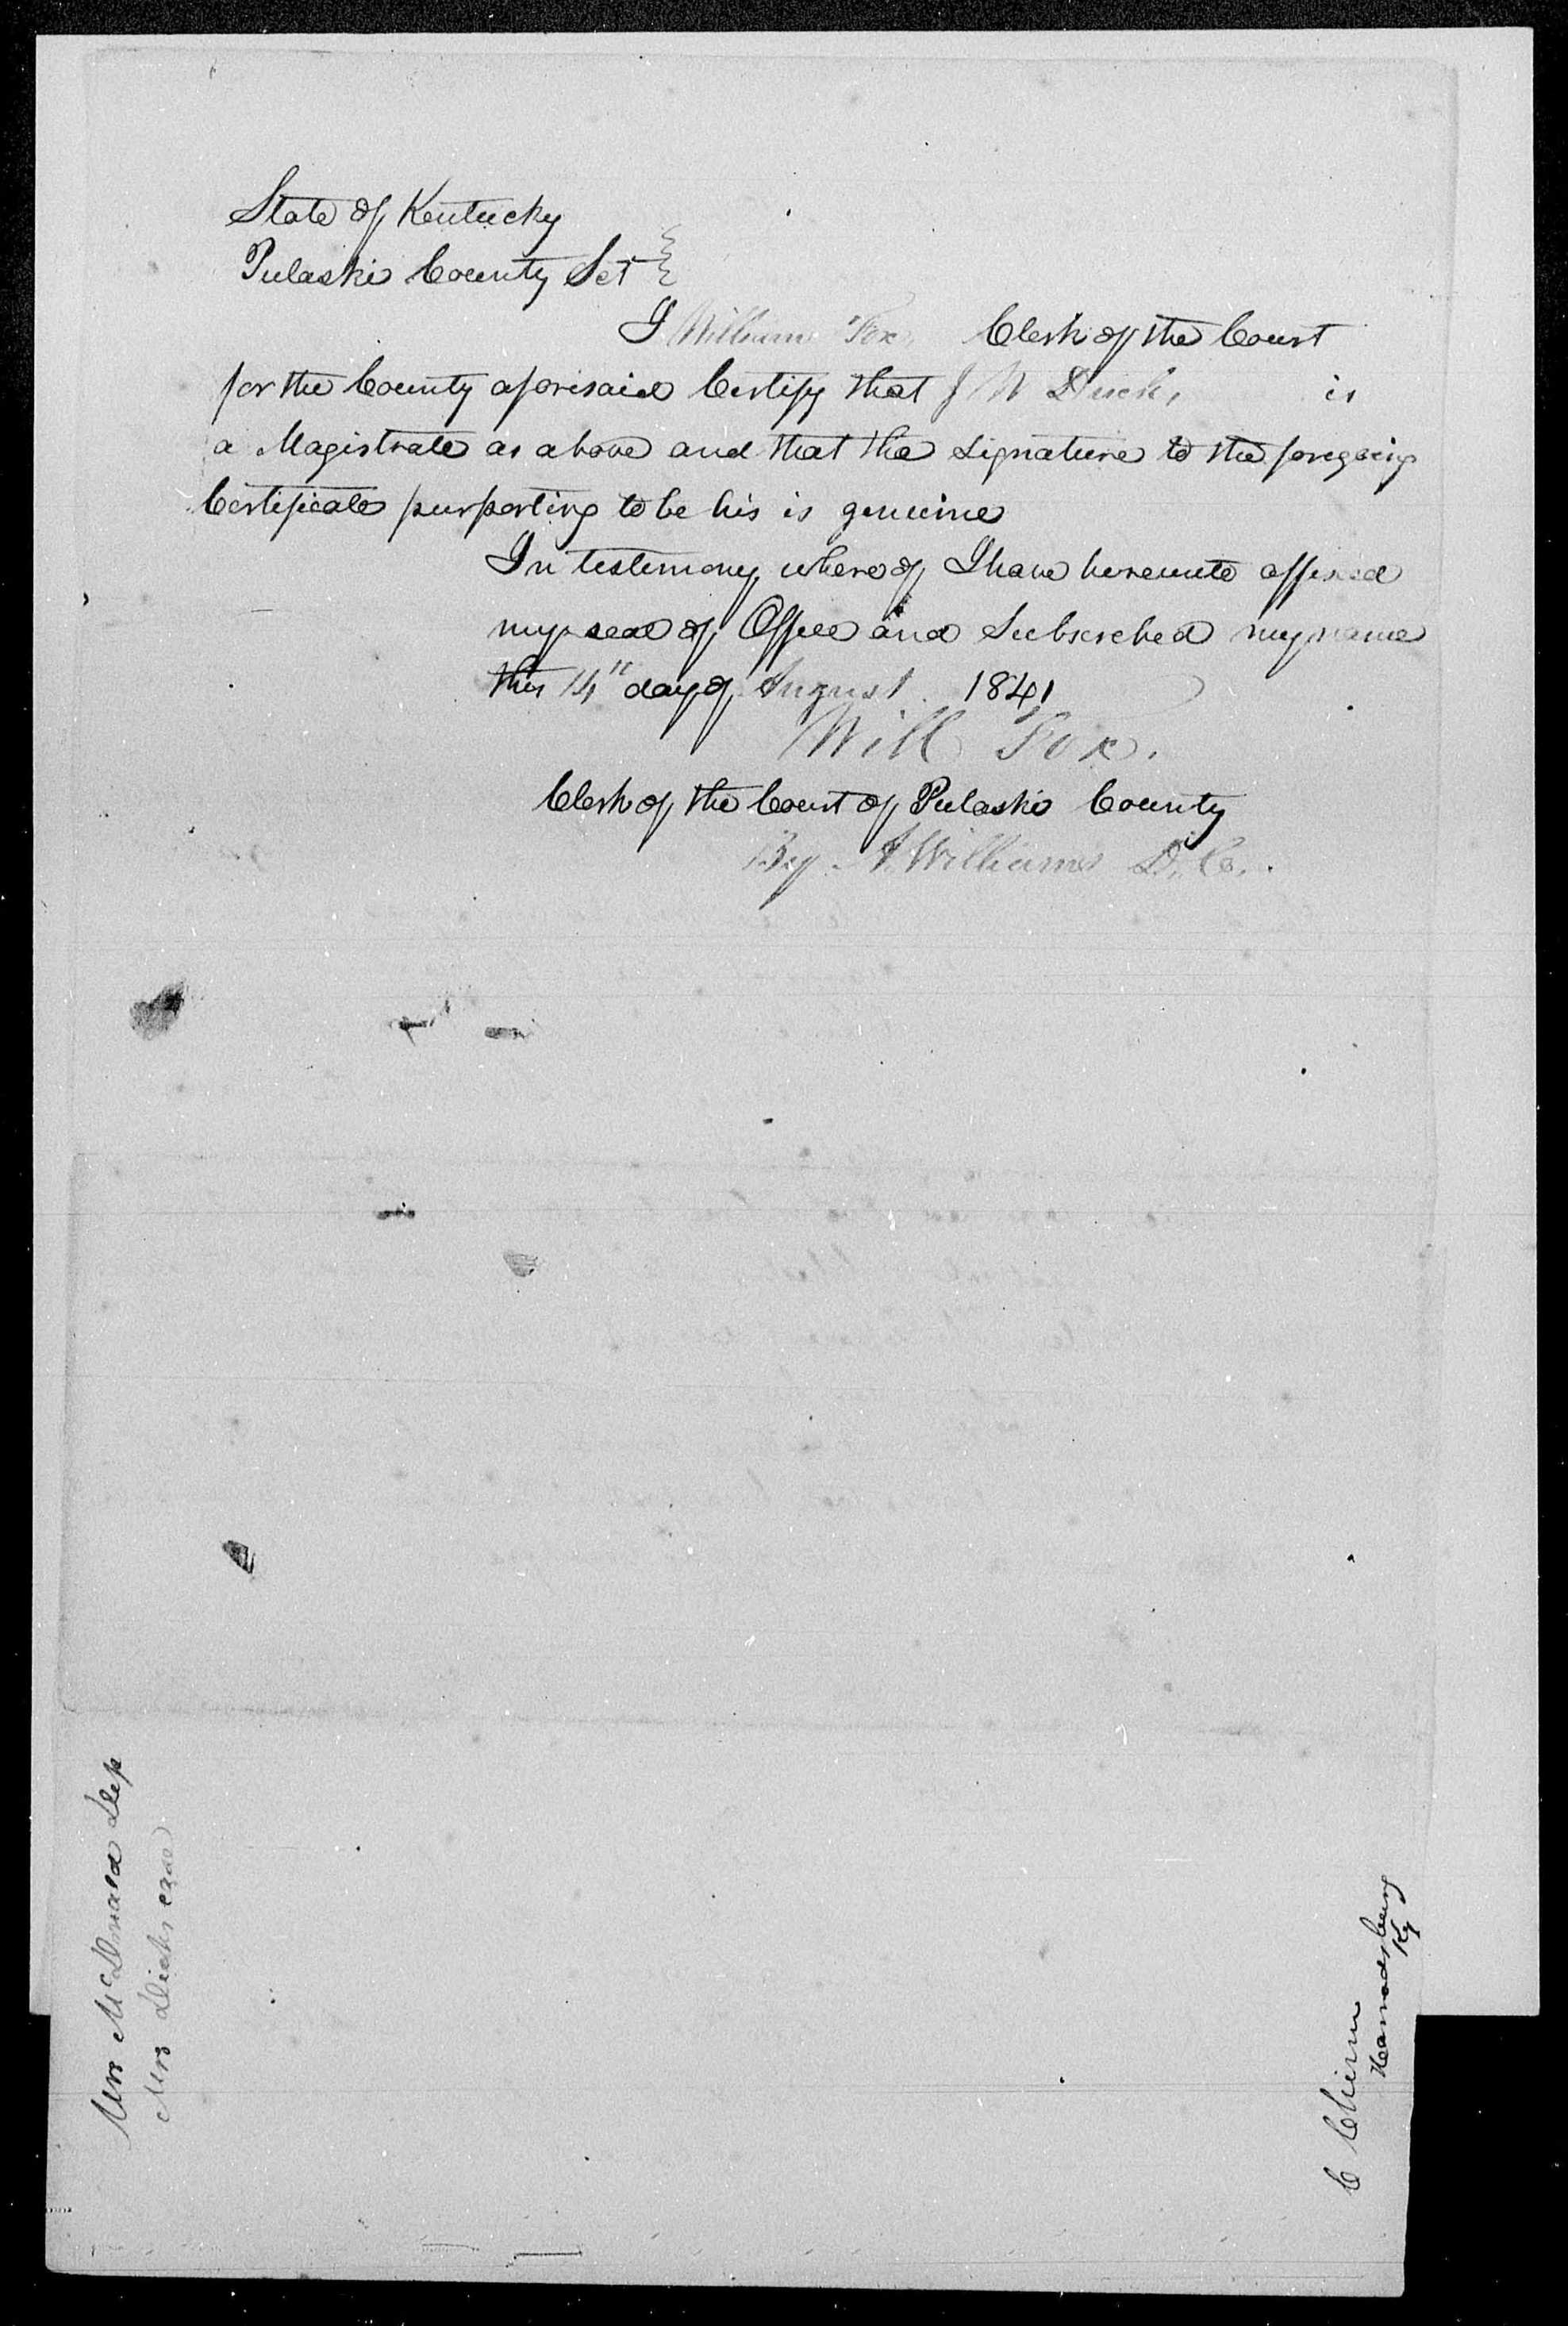State of Kentucky 
Pulaski County Set 
I William Fox Clerk of the Court for  the County aforesaid Certify that J W Duck, is a Magistrate as above and that the signature to the foregoing Certificate purporting to be his is genuine.
 In testimony whereof I have hereunto affixed my seal of Office and subscribed my name this 14th day of August 1841 Will Fox Clerk of the Court of Pulaski County By A. Williams D.C.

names: J W Dieck, William Fox, Dicks, C Chinn, A Williams, Mc Donald, Will Fox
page: 8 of 31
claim: widow's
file: W. 8668, John Dick, S C